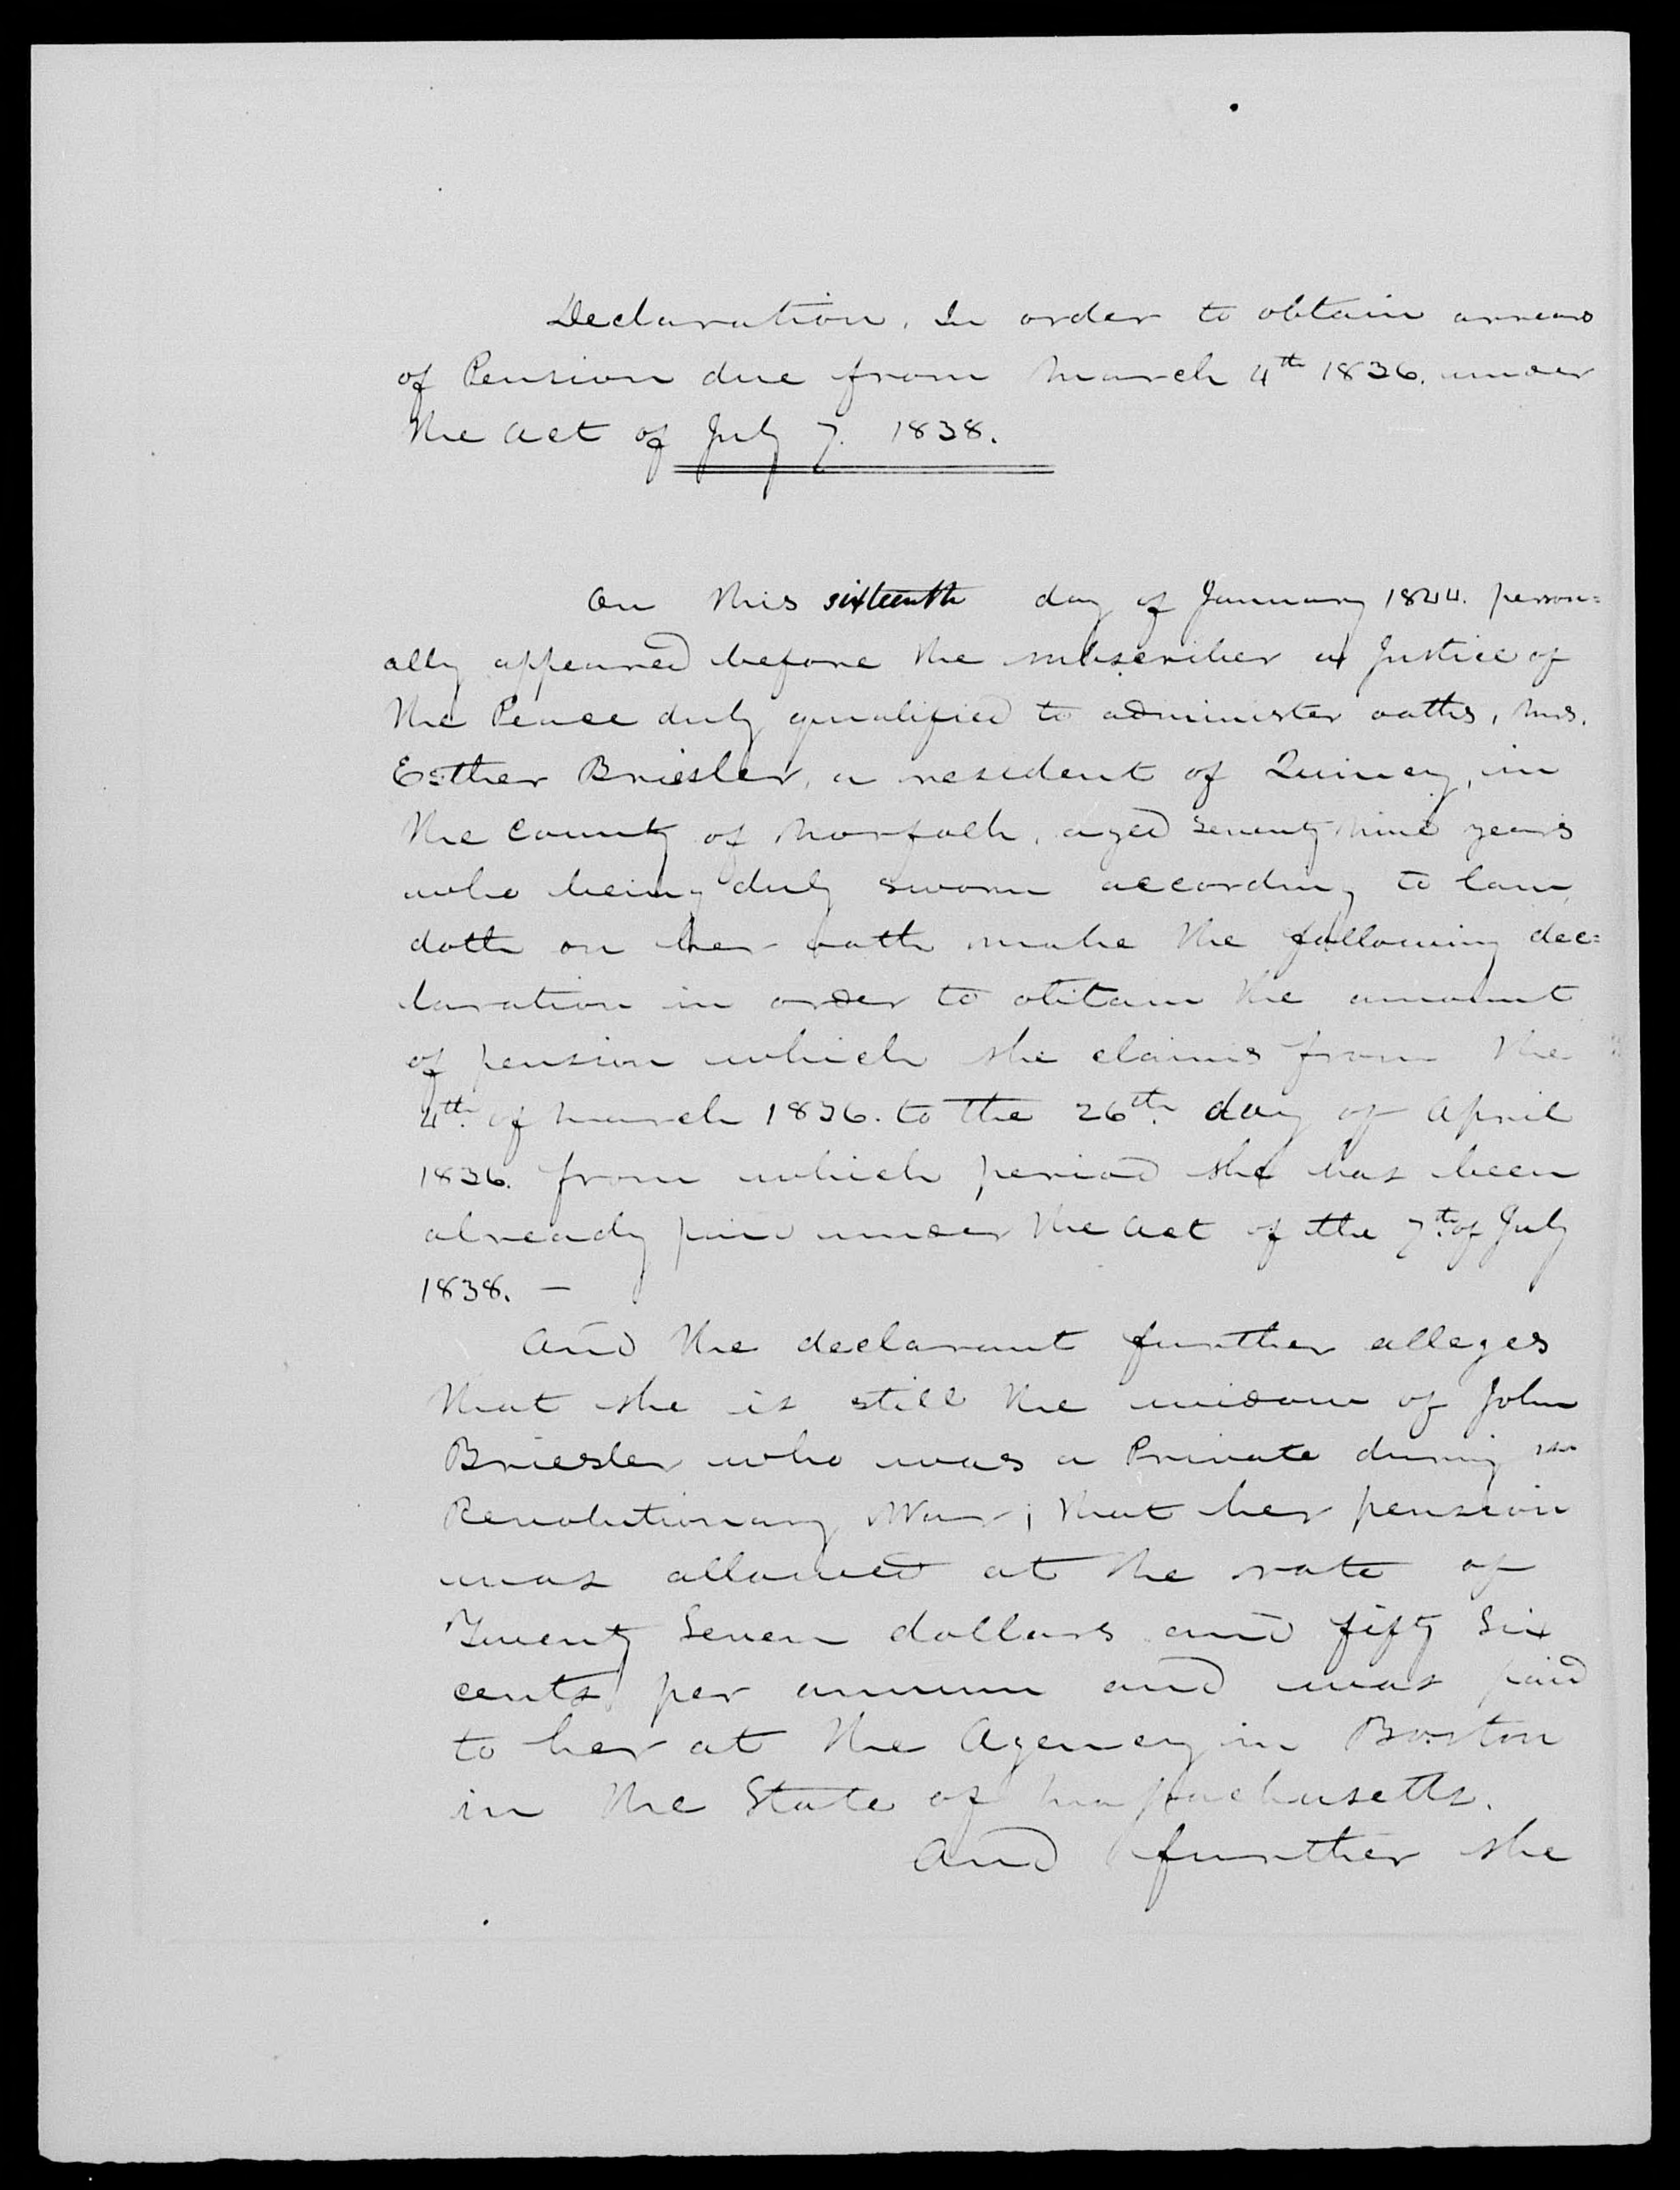Declaration . in order to obtain arrears of Pension due from March 4 1836 under the Act of July 7,1838
On this sixteenth day of January 1844 personally appeared before me the [illegible] Justice of the Peace duly qualified to administer oaths, Mrs. Esther Briesler, a resident of Quincy, in the County of Norfolk, aged seventy nine years who being duly sworn according to law doth on her oath make the following declaration in order to obtain the [illegible] of pension which she claims from the 4th of March 1836 to the 26th day of April 1836 from which period she has been already paid under the Act of the 7th of July 1838.  And the declaimant further furthers alleges that she is still the widow of John Brisler who was a Private during the Revolutionary War, that his pension was allotted at the rate of Twenty Seven dollars and fifty six centers per annum and was paid to her at the Agency in Boston in the State of Massachusetts. and further she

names: John Briesler, Esther Briesler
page: 23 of 46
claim: widow's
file: W. 23,673, John Brisler, Mass.